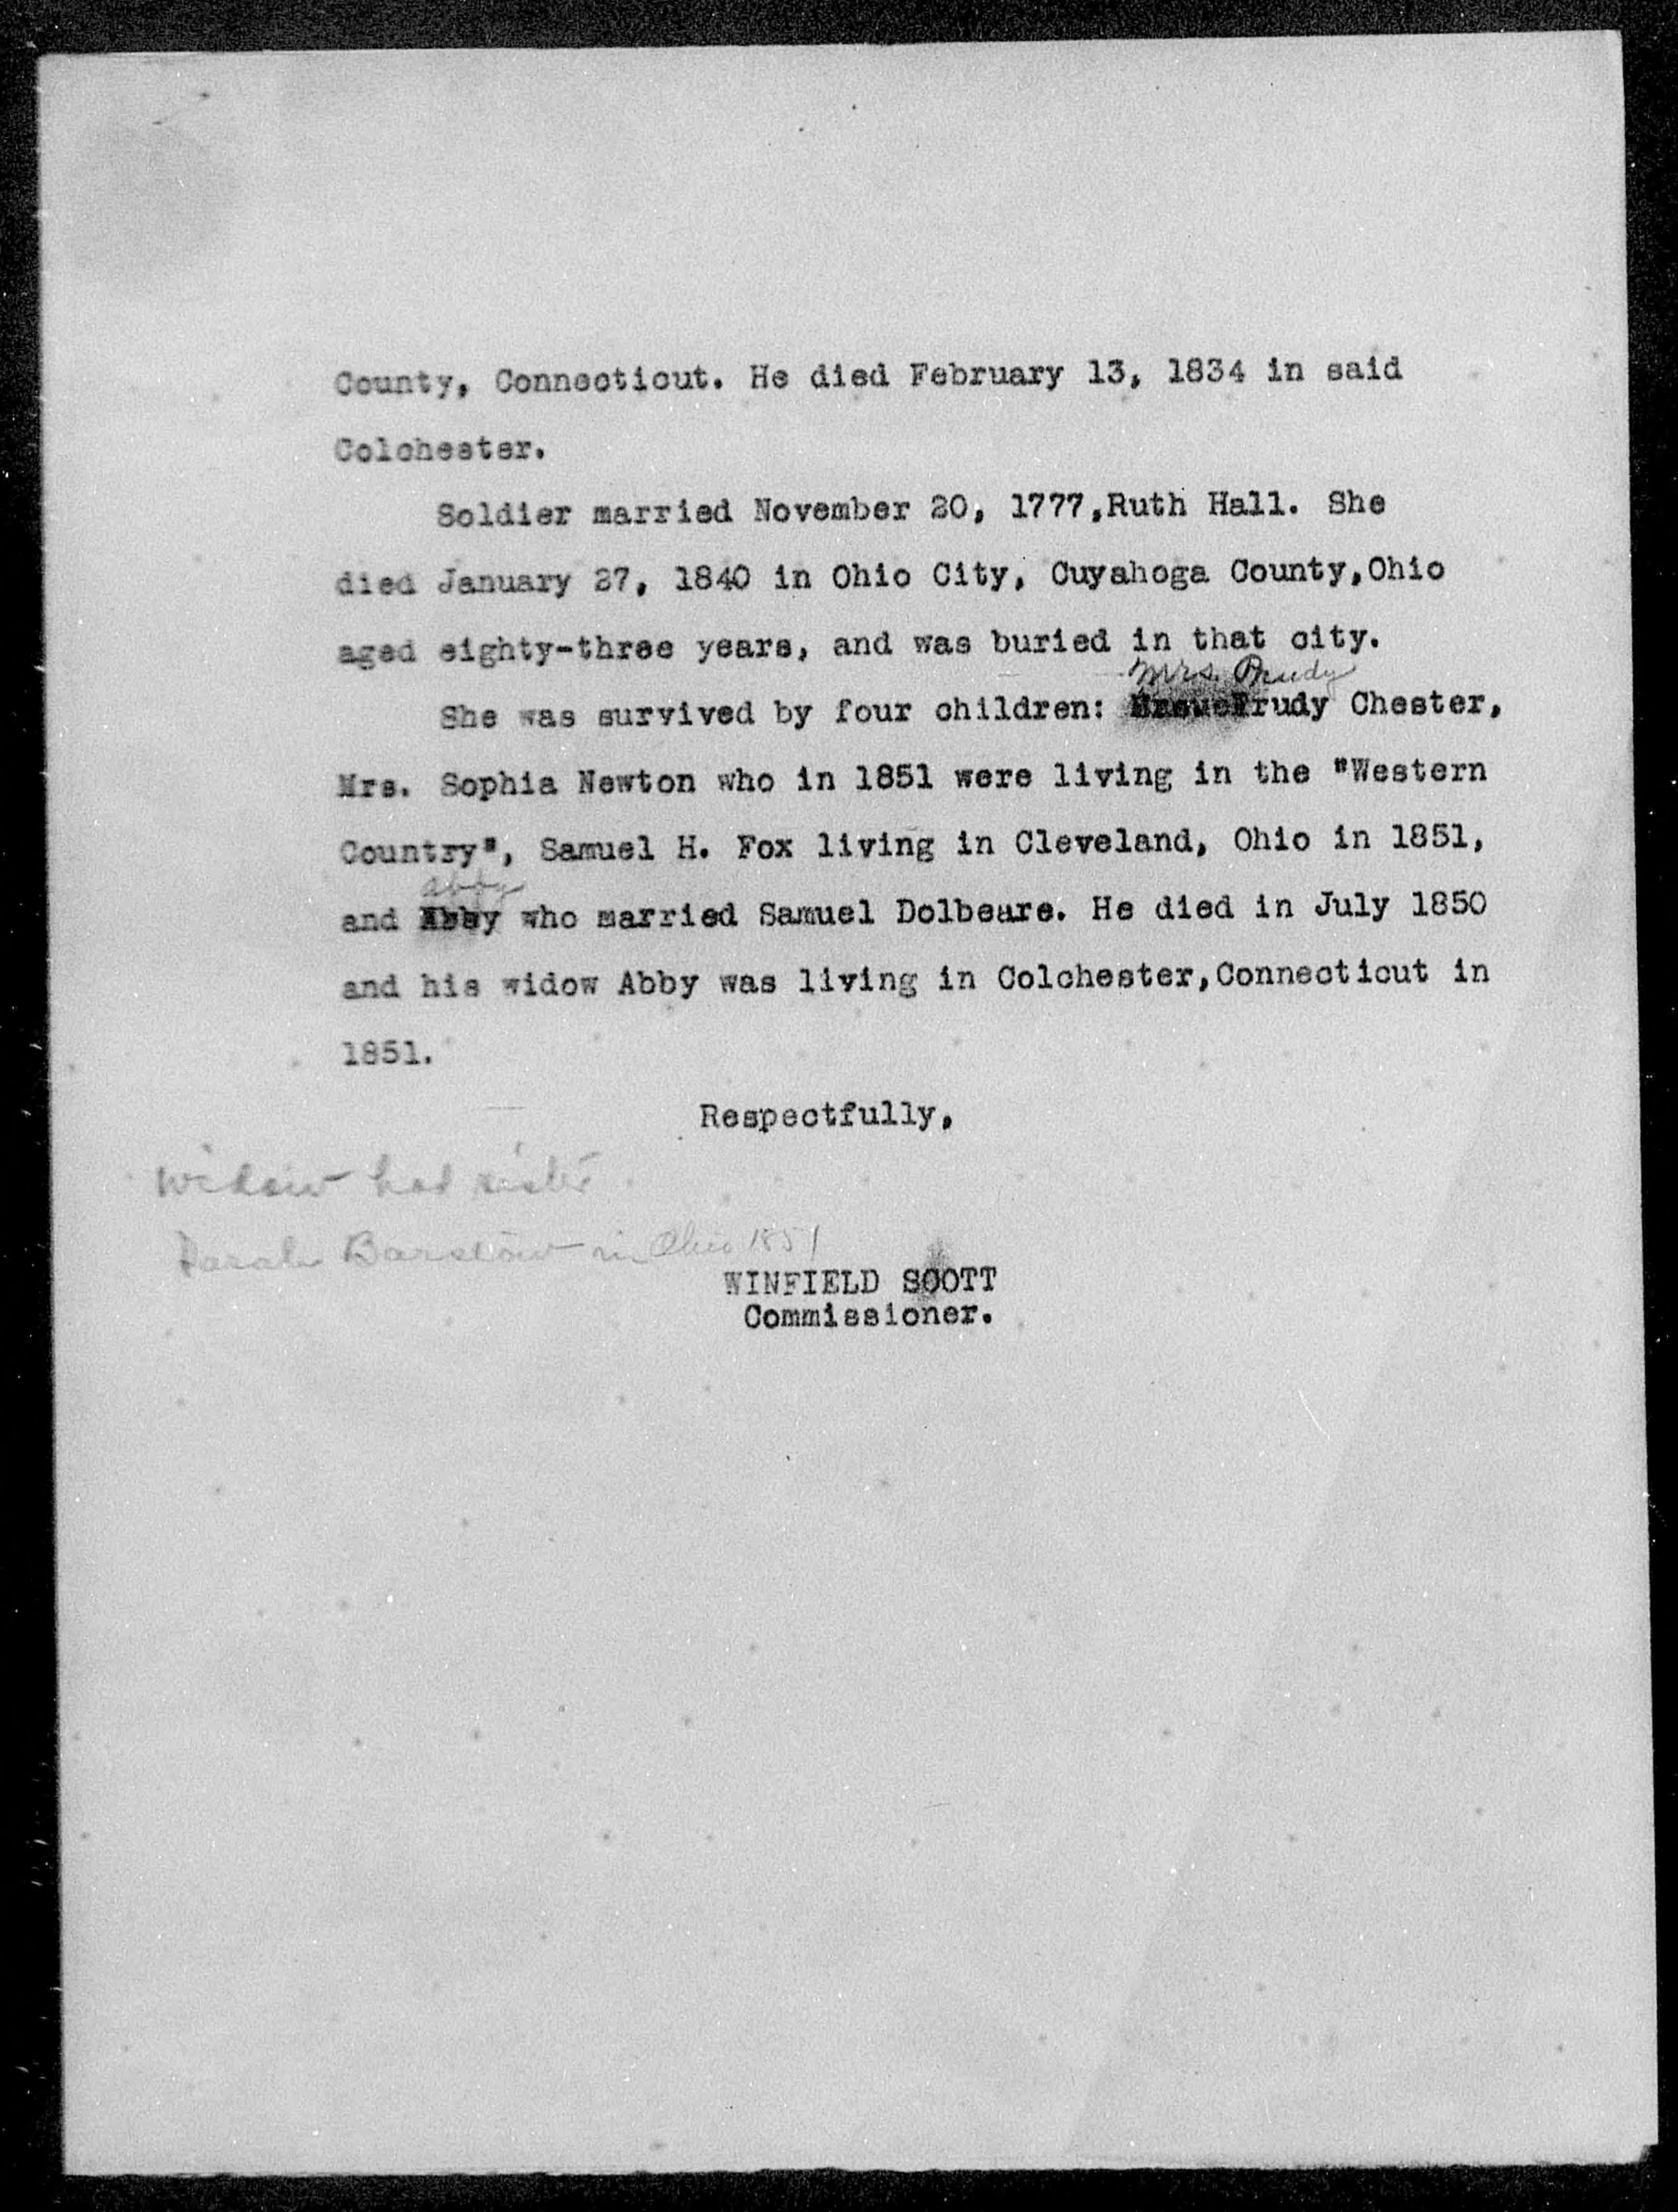County, Connecticut. He died February 13, 1834 in said Colchester.

Soldier married November 20, 1777, Ruth Hall. She died January 27, 1840 in Ohio City, Cuyahoga County, Ohio aged eighty-three years, and was buried in that city.

She was survived by four children, Mrs. Prudy Chester, Mrs. Sophia Newton who in 1851were living in the "Western Country", Samuel H. Fox living in Cleveland, Ohio in 1851, and Abby wo married Samuel Dolbeare. He died in July 1850 and his widow Abby was living in Colchester, Connecticut in 1851.

Respectfully,

WINFIELD SCOTT
Commissioner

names: Abby, Sarah Barstow, Sophia Newton, Samuel Dolbeare, Winfield Scott, Ruth Hall, Abby, Samuel H Fox, Prudy Chester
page: 17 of 53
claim: rejected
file: R. 3732, Jesse Fox, Conn.